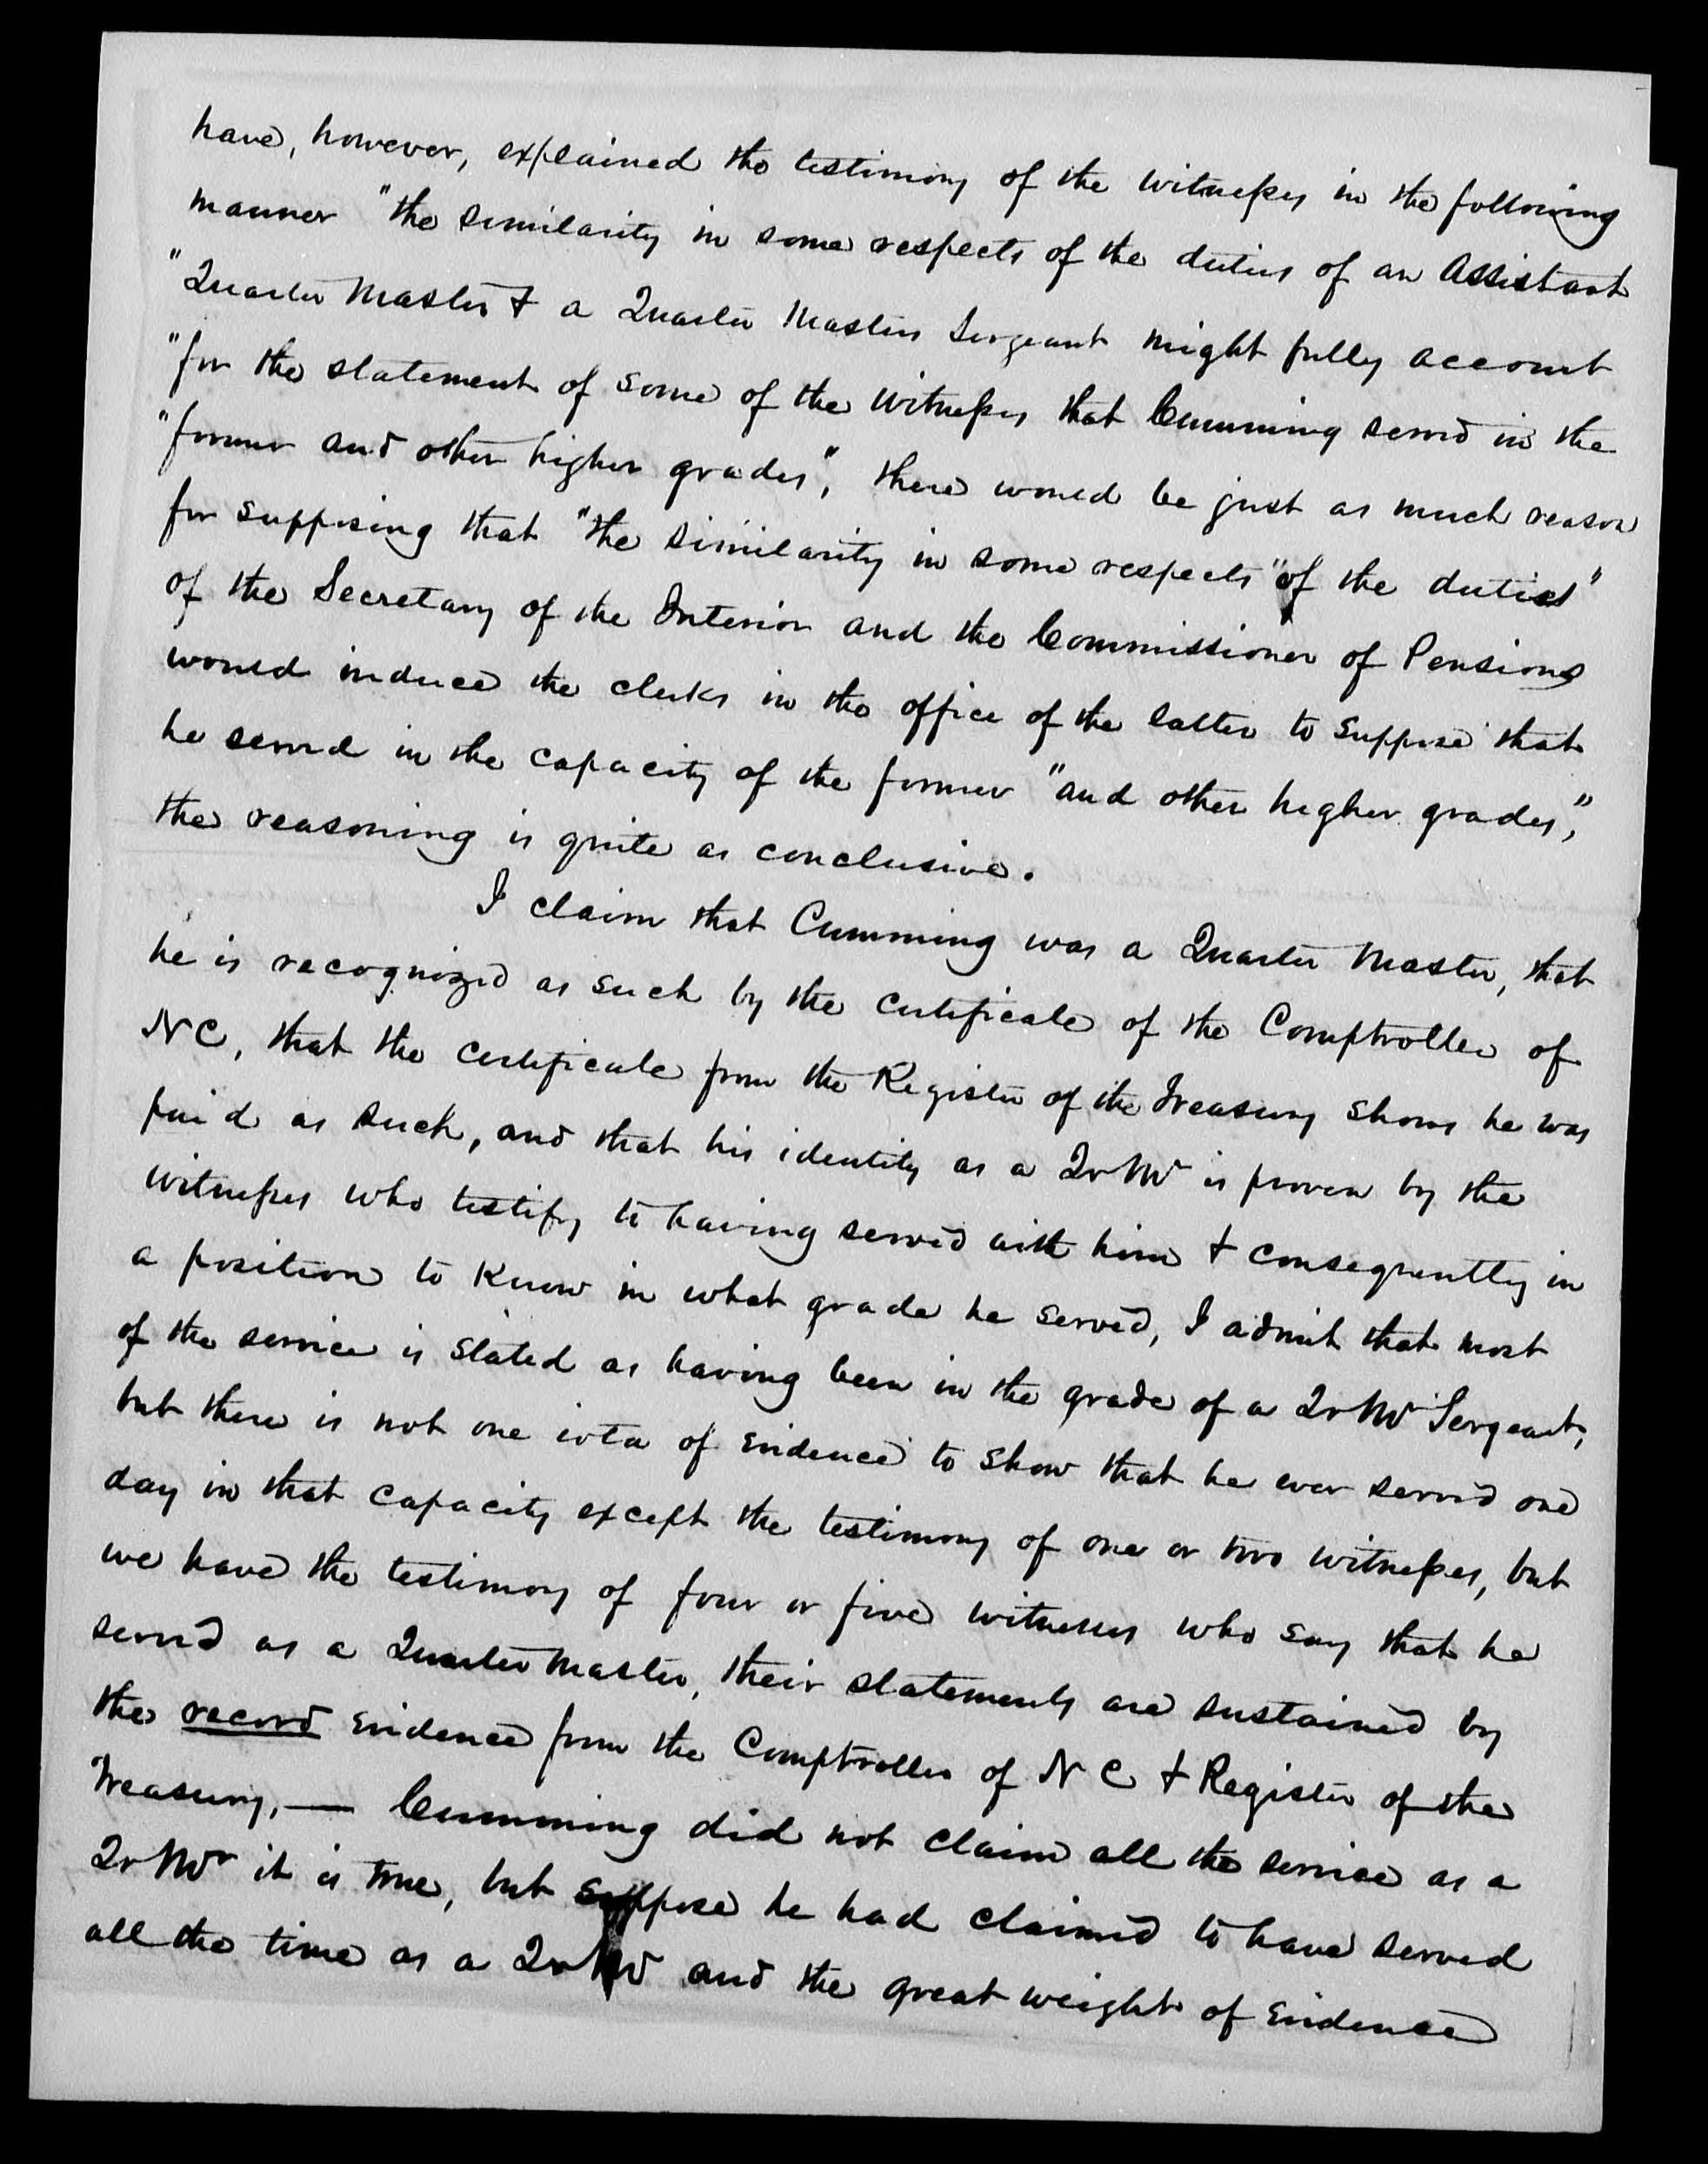[Continuation of handwritten letter.  Occasional spacing has been included to make the long text block easier to read.]

have, however, explained the testimony of the Witnesses in the following manner "the similarity in some respects of the duties of an Assistant "Quartrr Master and a Quarter Masters Sergeant might fully account "for the statement of Some of the Witnesses that Cumming served in the "former and other higher grades,"  

there would be just as much reason for supposing that "the similarity in some respects "of the duties" of the Secretary of the Interior and the Commissioner of Pensions would induce the clerks in the office of the latter to Suppose that he served in the capacity of the former "and other higher grades,' the reasoning is quite as conclusive. 

I claim that Cumming was a Quarter Master, that he is recognized as such by the certificate of the Comptroller of NC, that the certificate from the Register of the Treasury shows he was paid as such, and that his identity as a QrMr [Quarter Master] is proven by the witnesses who testify to having served with him and consequently in a position to Know in what grade he served,

I admit that most of the service is Stated as having been in the grade of a QrMr [Quarter Master] Sergeant, but there is not one iota of Evidence to Show that he ever served one day in that capacity except the testimony of one or two witnesses, but we have the testimony of four or five witnesses who say that he served as a Quarter Master, their statements are sustained by the [here the following word is underlined:] record evidence from the Comptroller of NC and Register of the Treasury,__

Cumming did not claim all the service as a QrMr [Quarter Master] it is true, but suppose he had claimed to have Served all the time as a QrMr [Quarter Master] and the great weight of Evidence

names: Cumming, Cumming, Cumming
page: 34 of 145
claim: survivor's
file: S. 8265, William Cumming, N.C.